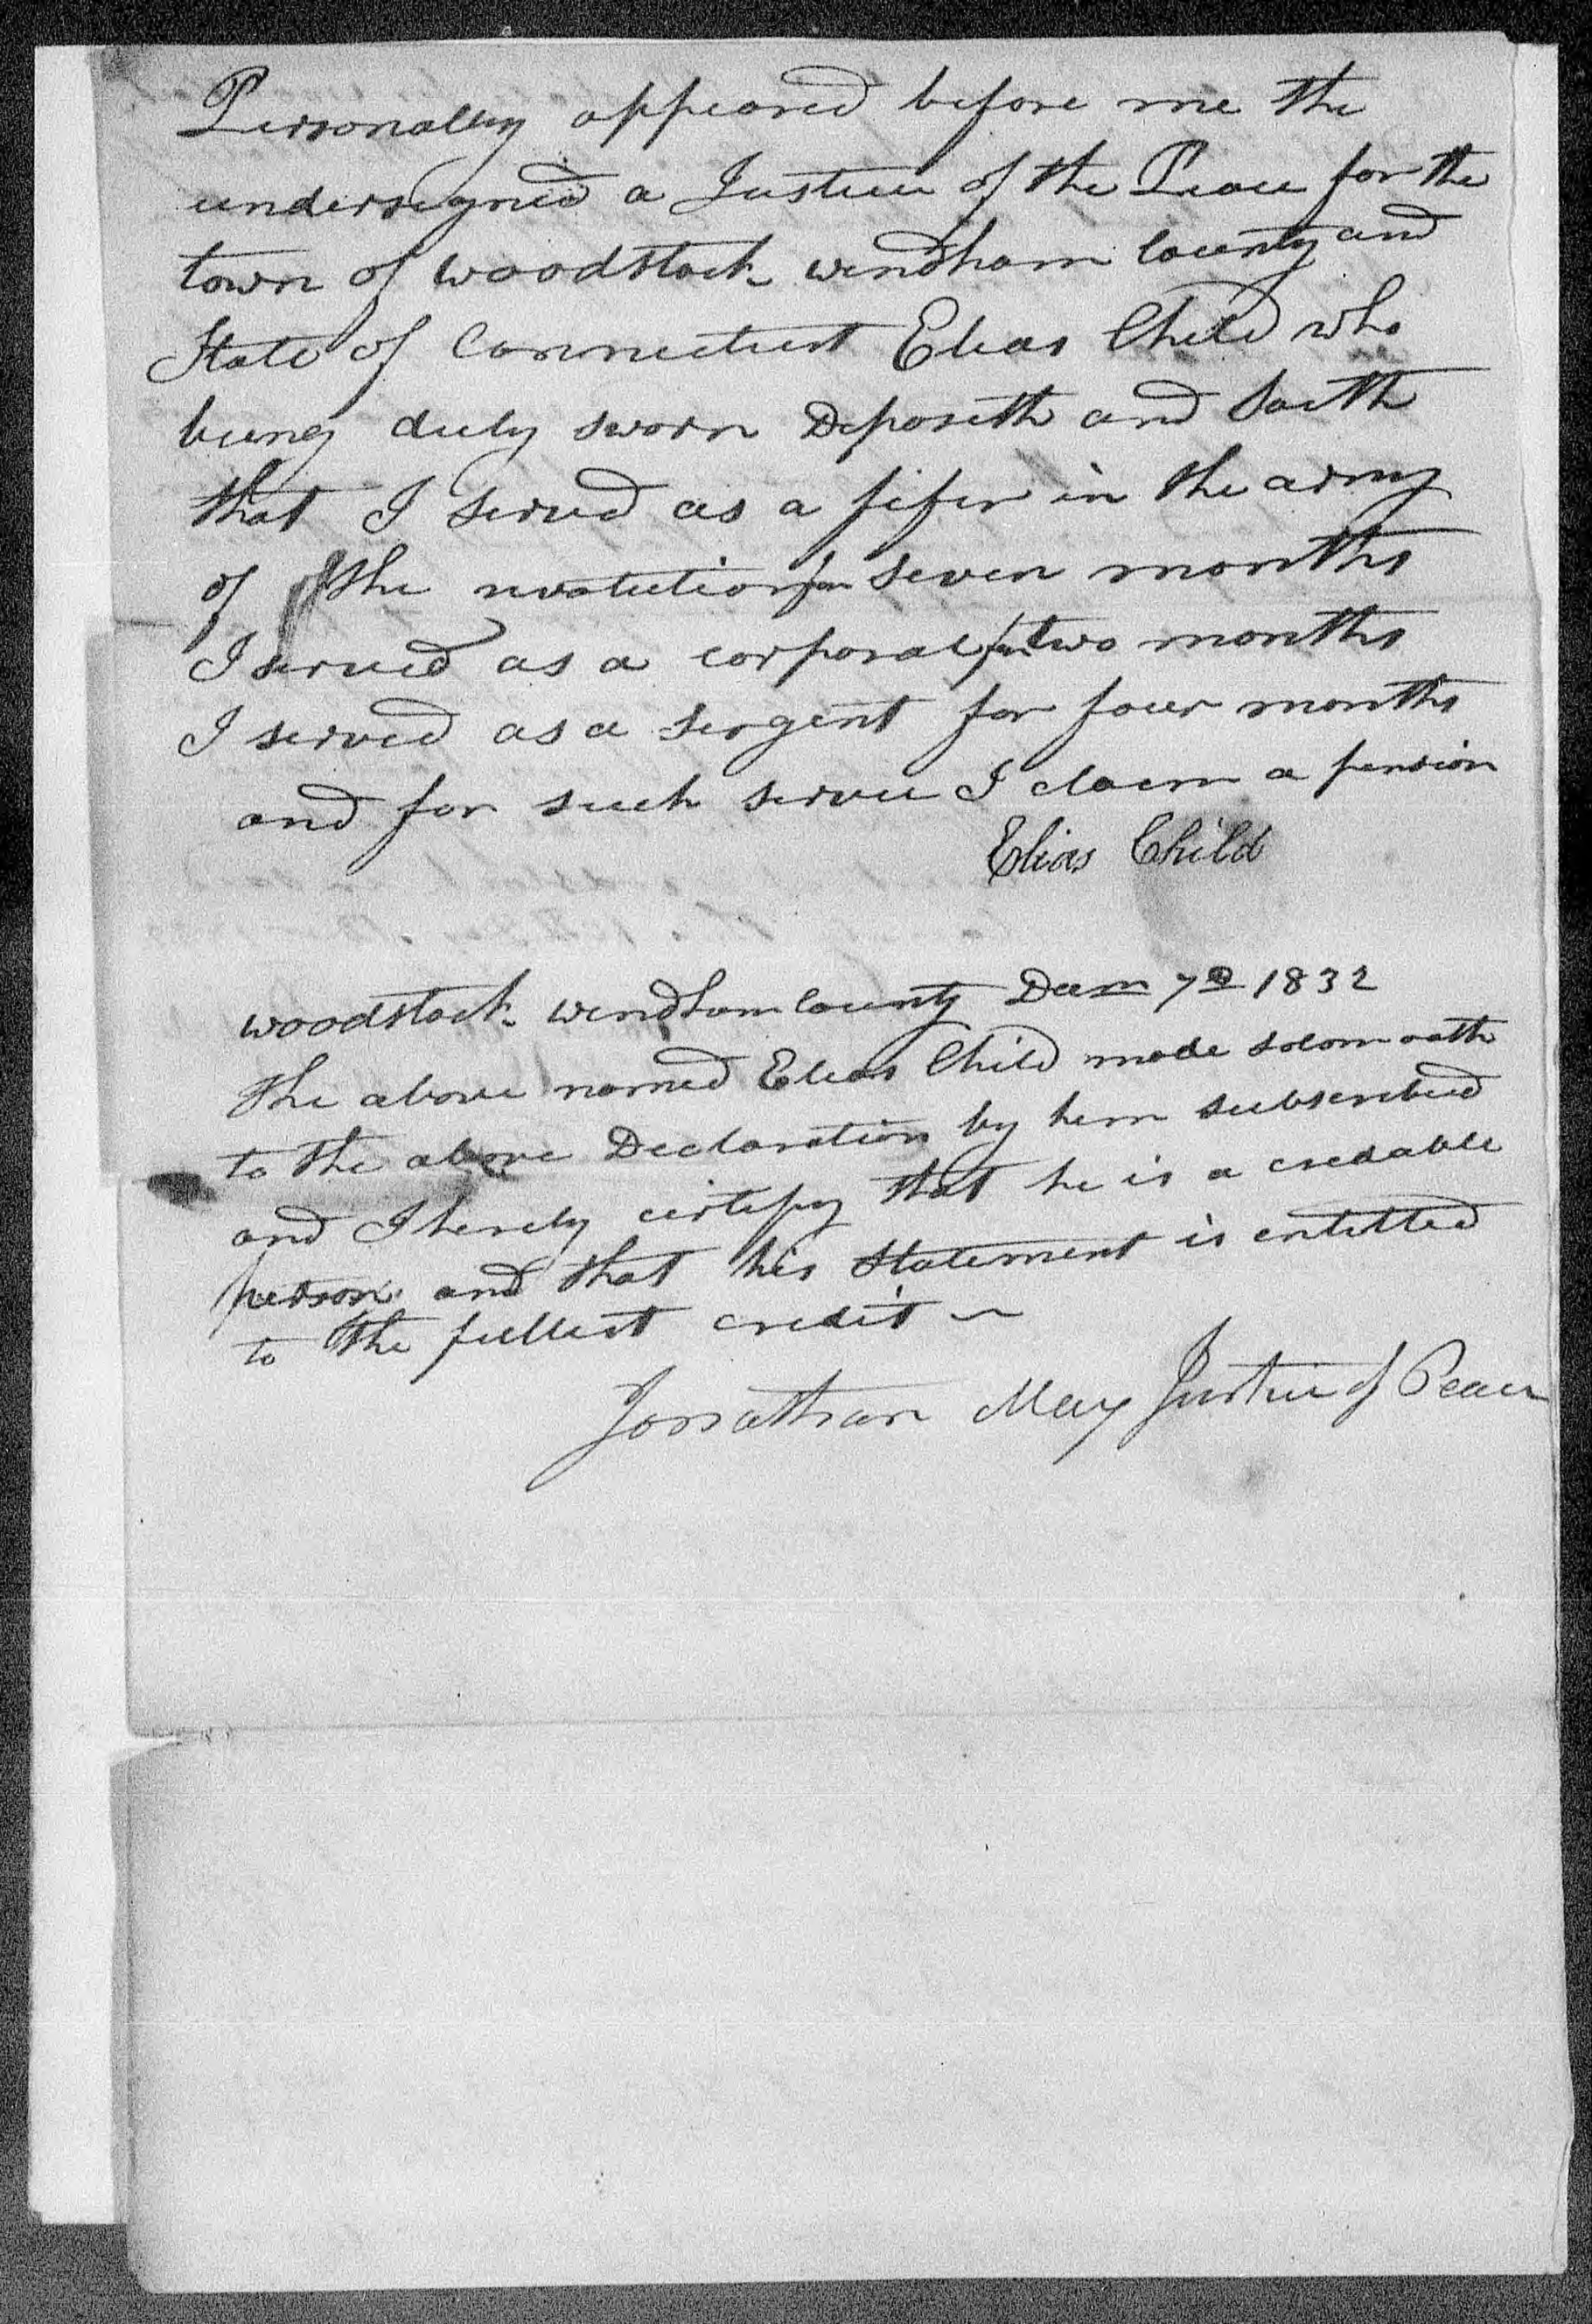Personally appeared before me the undersigned a Justice of the Peace for the town of Woodstock Windham County and State of Connecticut Elias Child who being duly sworn deposeth and saith that I served as a fifer in the army of the revolution for seven months. I served as a corporal for two months. I served as a sergeant for four months and for such service I claim pension.
Elias Child
Woodstock Windham County Dec 7th 1832
The above named Elias Child made solemn oath to the above declaration by her subscribed and I hereby certify that he is a credible person and that his statement is entitled to the fullest credit -  
Jonathon May Justice of Peace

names: Jonathan May, Elias Child, Elias Child, Elias Child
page: 24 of 34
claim: survivor's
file: S. 31,605, Elias Child, Conn.